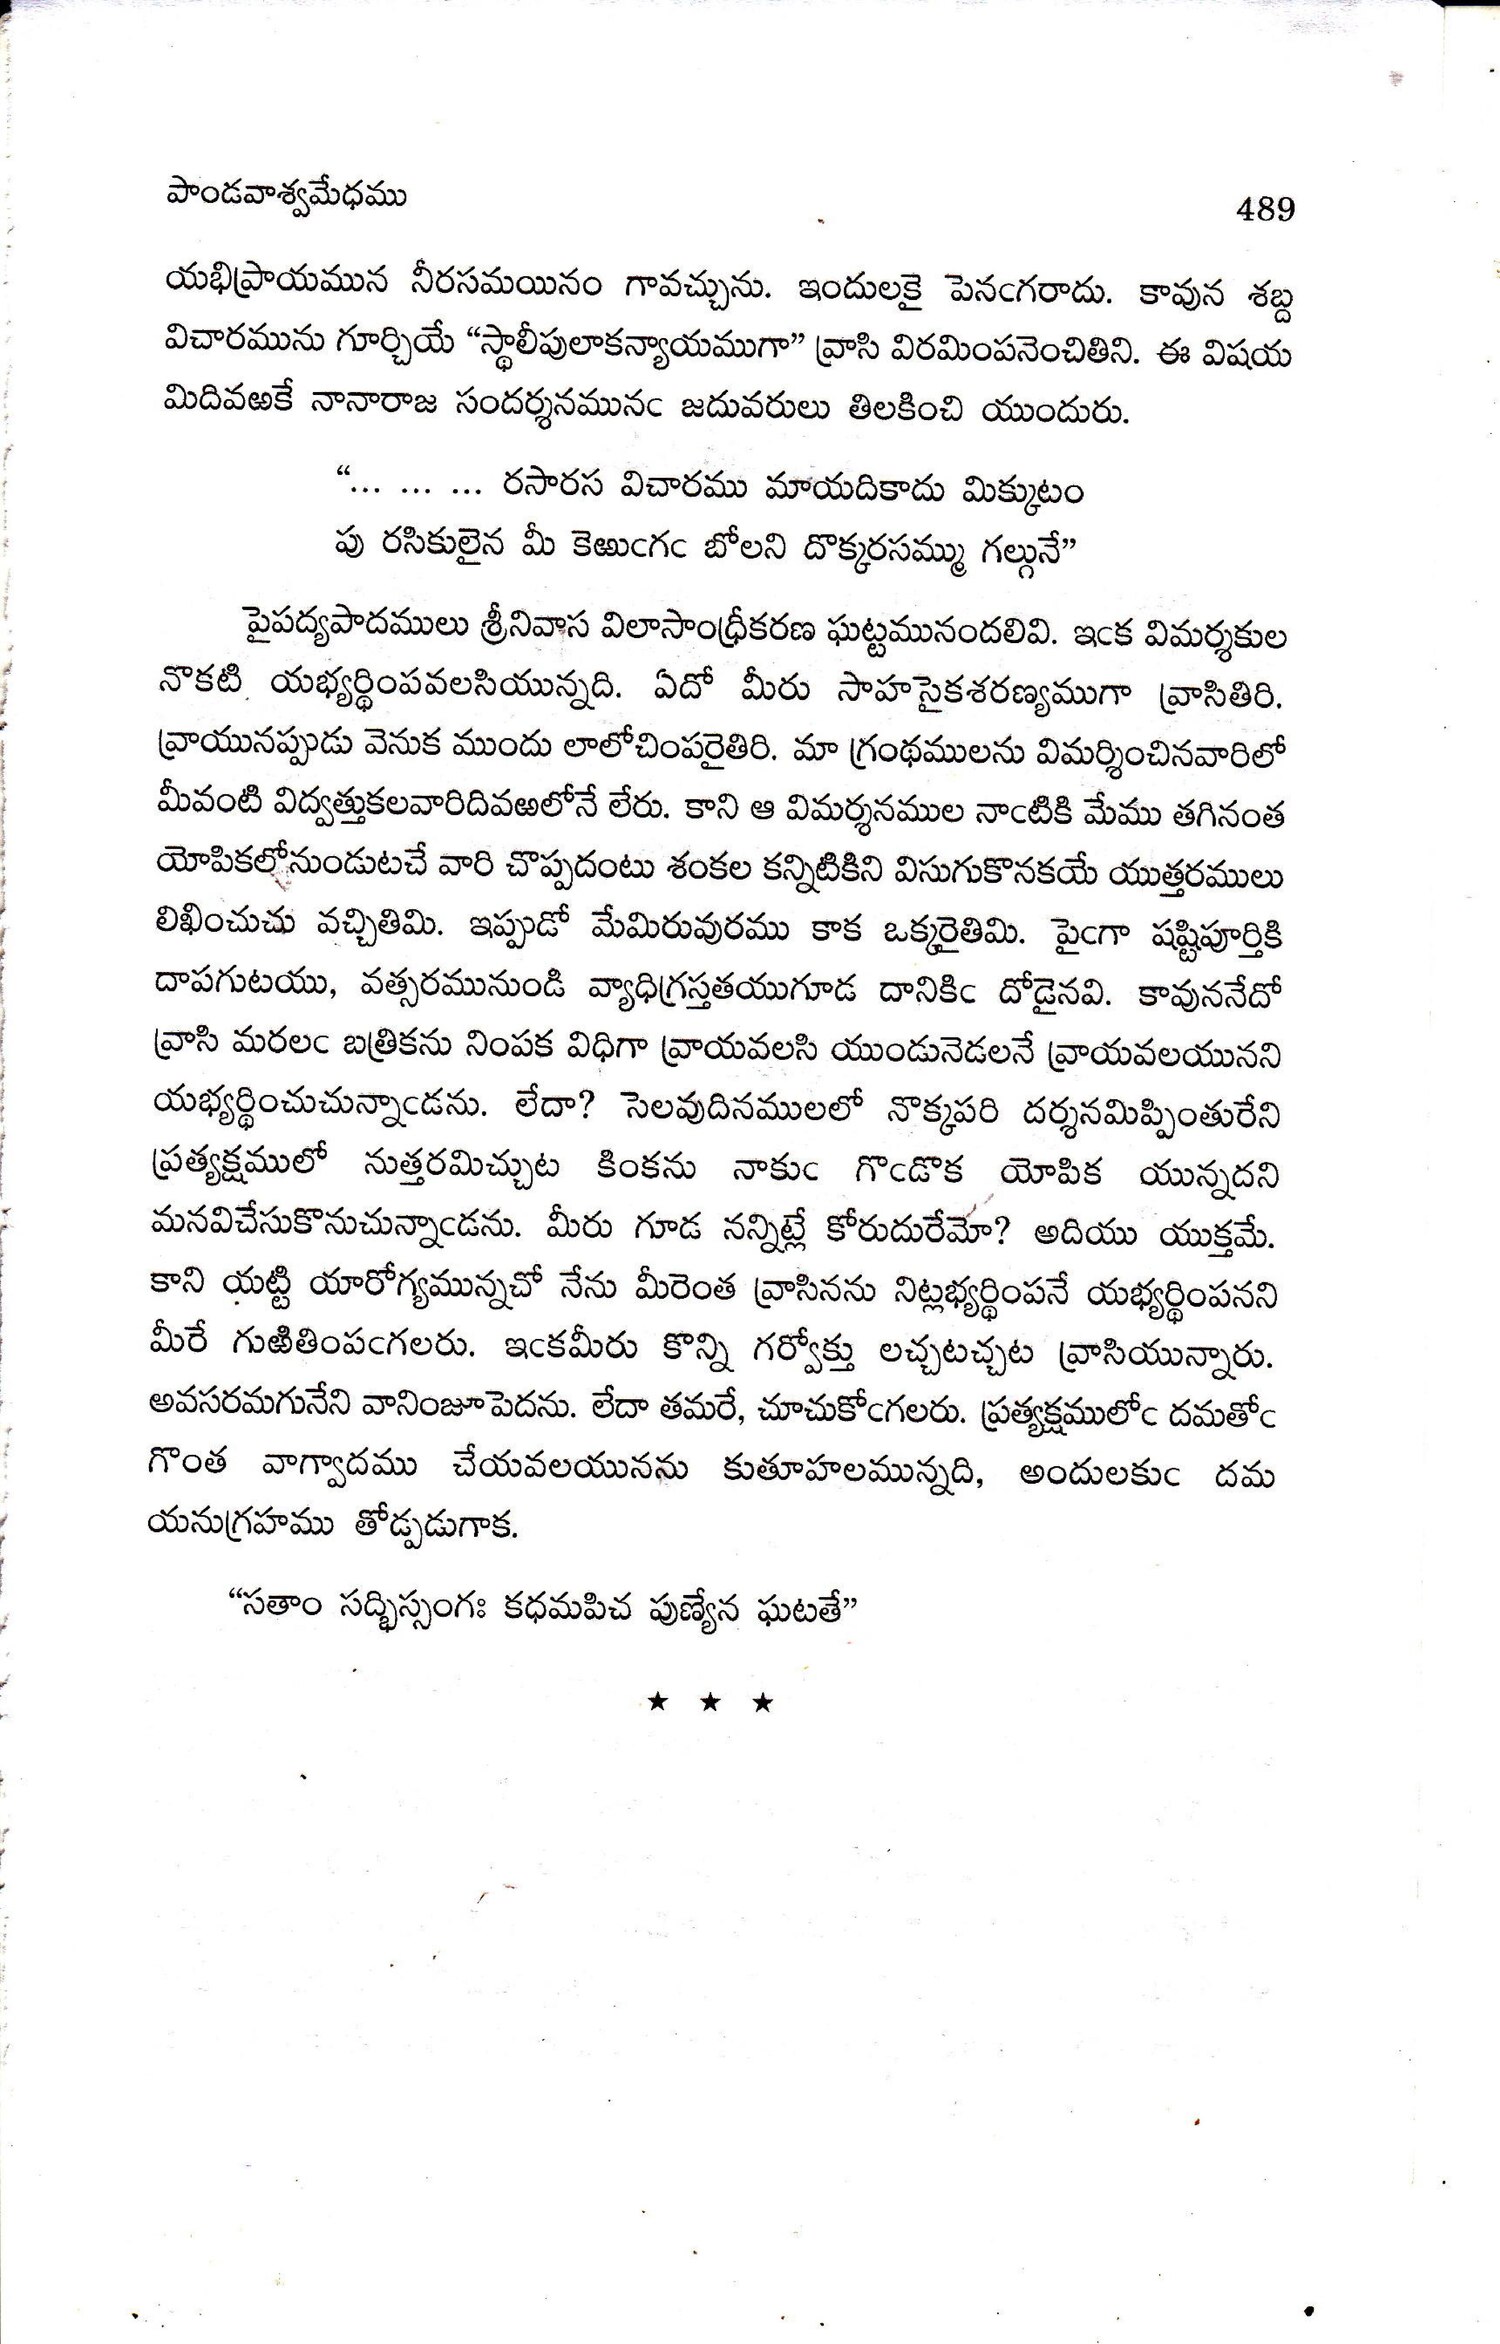యభిప్రాయమున నీరసమయినం గావచ్చును. ఇందులకై పెనఁగరాదు. కావున శబ్ద విచారమును గూర్చియే “స్థాలీపులాకన్యాయముగా" వ్రాసి విరమింపనెంచితిని. ఈ విషయ మిదివఱకే నానారాజ సందర్శనమునఁ జదువరులు తిలకించి యుందురు.

"... ... ... రసారస విచారము మాయదికాదు మిక్కుటం 
 పు రసికులైన మీ కెఱుఁగఁ బోలని దొక్కరసమ్ము గల్గునే"
పైపద్యపాదములు శ్రీనివాస విలాసాంద్రీకరణ ఘట్టమునందలివి. ఇఁక విమర్శకుల నొకటి యభ్యర్ధింపవలసియున్నది. ఏదో మీరు సాహసైకశరణ్యముగా వ్రాసితిరి. వ్రాయునప్పుడు వెనుక ముందు లాలోచింపరైతిరి. మా గ్రంథములను విమర్శించినవారిలో మీవంటి విద్వత్తుకలవారిదివఱలోనే లేరు. కాని ఆ విమర్శనముల నాఁటికి మేము తగినంత యోపికలోనుండుటచే వారి చొప్పదంటు శంకల కన్నిటికిని విసుగుకొనకయే యుత్తరములు లిఖించుచు వచ్చితిమి. ఇప్పుడో మేమిరువురము కాక ఒక్కరైతిమి. పైఁగా షష్టిపూర్తికి దాపగుటయు, వత్సరమునుండి వ్యాధిగ్రస్తతయుగూడ దానికిఁ దోడైనవి. కావుననేదో వ్రాసి మరలఁ బత్రికను నింపక విధిగా వ్రాయవలసి యుండునెడలనే వ్రాయవలయునని యభ్యర్థించుచున్నాఁడను. లేదా? సెలవుదినములలో నొక్కపరి దర్శనమిప్పింతురేని ప్రత్యక్షములో నుత్తరమిచ్చుట కింకను నాకుఁ గొఁడొక యోపిక యున్నదని మనవిచేసుకొనుచున్నాఁడను. మీరు గూడ నన్నిట్లే కోరుదురేమో? అదియు యుక్తమే. కాని యట్టి యారోగ్యమున్నచో నేను మీరెంత వ్రాసినను నిట్లభ్యర్ధింపనే యభ్యర్ధింపనని మీరే గుణితింపఁగలరు. ఇఁకమీరు కొన్ని గర్వోక్తు లచ్చటచ్చట వ్రాసియున్నారు. అవసరమగునేని వానింజూపెదను. లేదా తమరే, చూచుకోఁగలరు. ప్రత్యక్షములోఁ దమతోఁ గొంత వాగ్వాదము చేయవలయునను కుతూహలమున్నది, అందులకుఁ దమ యనుగ్రహము తోడ్పడుగాక.

“సతాం సద్భిస్సంగః కధమపిచ పుణ్యేన ఘటతే"